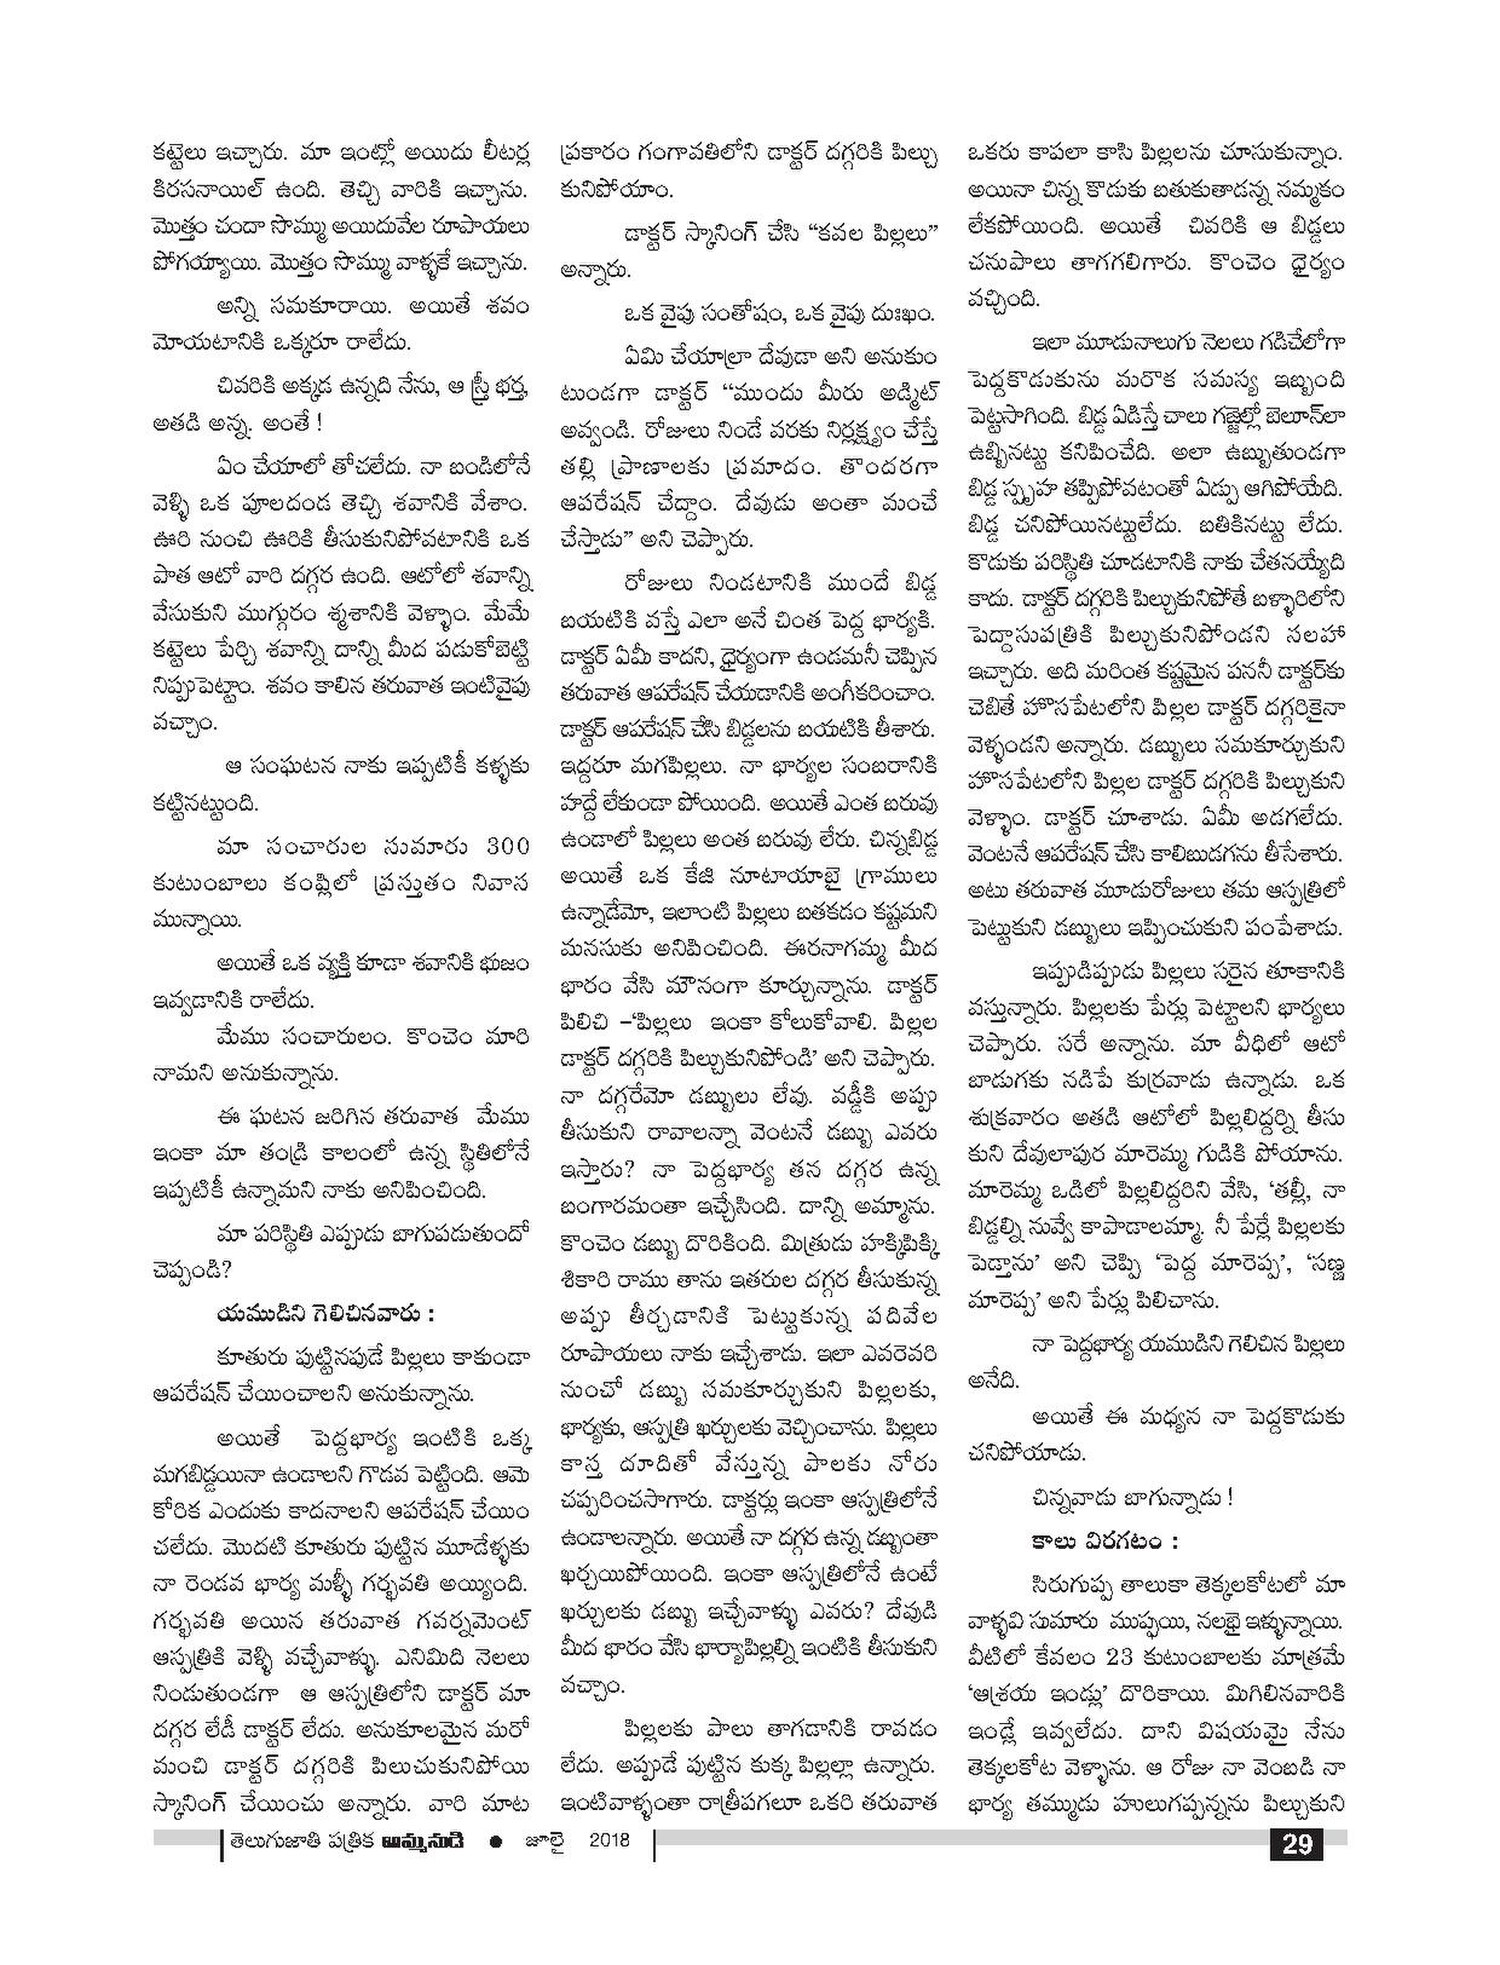కట్టెలు ఇచ్చారు. మా ఇంట్లో అయిదు లీటర్ల కిరసనాయిల్‌ ఉంది. తెచ్చి వారికి ఇచ్చాను. మొత్తం చందా సొమ్ము అయిదువేల రూపాయలు పోగయ్యాయి. మొత్తం సొమ్ము వాళ్ళకే ఇచ్చాను.

అన్ని సమకూరాయి. అయితే శవం మోయటానికి ఒక్కరూ రాలేదు.

చివరికి అక్కడ ఉన్నది నేను, ఆ స్రీ భర్త, అతడి అన్న, అంతే !

ఏం చేయాలో తోచలేదు. నా బండిలోనే వెళ్ళి ఒక పూలదండ తెచ్చి శవానికి వేశాం. ఊరి నుంచి ఊరికి తీసుకునిపోవటానికి ఒక పాత ఆటో వారి దగ్గర ఉంది. ఆటోలో శవాన్ని వేసుకుని ముగ్గురం శ్శశానికి వెళ్ళాం. మేమే కట్టెలు పేర్చి శవాన్ని దాన్ని మీద పడుకోబెట్టి నిప్పుపెట్టాం. శవం కాలిన తరువాత ఇంటివైపు వచ్చాం.

ఆ సంఘటన నాకు ఇప్పటికీ కళ్ళకు కట్టినట్టుంది.

మా సంచారుల నుమారు 300 కుటుంబాలు కంప్లిలో ప్రస్తుతం నివాస మున్నాయి.

అయితే ఒక వ్యక్తి కూడా శవానికి భజం ఇవ్వడానికి రాలేదు.

మేము సంచారులం. కొంచెం మారినామని అనుకున్నాను.

ఈ ఘటన జరిగిన తరువాత మేము ఇంకా మా తండ్రి కాలంలో ఉన్న స్థితిలోనే ఇప్పటికీ ఉన్నామని నాకు అనిపించింది.

మా పరిస్థితి ఎప్పుడు బాగుపడుతుందో చెప్పండి?

యముడిని గెలిచినవారు :

కూతురు పుట్టినపుడే పిల్లలు కాకుండా ఆపరేషన్‌ చేయించాలని అనుకున్నాను.

అయితే పెద్దభార్య ఇంటికి ఒక్క మగబిడ్డయినా ఉండాలని గొడవ పెట్టింది. ఆమె కోరిక ఎందుకు కాదనాలని ఆపరేషన్‌ చేయించలేదు. మొదటి కూతురు పుట్టిన మూడేళ్ళకు నా రెండవ భార్య మళ్ళీ గర్భవతి అయ్యింది. గర్భవతి అయిన తరువాత గవర్నమెంట్‌ ఆస్పత్రికి వెళ్ళి వచ్చేవాళ్ళు. ఎనిమిది నెలలు నిండుతుండగా ఆ ఆస్పత్రిలోని డాక్టర్‌ మా దగ్గర లేడీ డాక్టర్‌ లేదు. అనుకూలమైన మరో మంచి డాక్టర్‌ దగ్గరికి పిలుచుకునిపోయి స్మానింగ్‌ చేయించు అన్నారు. వారి మాట ప్రకారం గంగావతిలోని డాక్టర్‌ దగ్గరికి పిల్చుకునిపోయాం.

డాక్టర్‌ స్కానింగ్‌ చేసి “కవల పిల్లలు” అన్నారు.

ఒక వైపు సంతోషం, ఒక వైపు దుఃఖం.

ఏమి చేయాల్రా దేవుడా అని అనుకుంటుండగా డాక్టర్‌ “ముందు మీరు అడ్మిట్‌ అవ్వండి. రోజులు నిండే వరకు నిర్లక్ష్యం చేస్తే తల్లి ప్రాణాలకు ప్రమాదం. తొందరగా ఆపరేషన్‌ చేద్దాం. దేవుడు అంతా మంచే చేస్తాడు” అని చెప్పారు.

రోజులు నిండటానికి ముందే బిడ్డ బయటికి వస్తే ఎలా అనే చింత పెద్ద భార్యకి. డాక్టర్‌ ఏమీ కాదని, ధైర్యంగా ఉండమనీ చెప్పిన తరువాత ఆపరేషన్‌ చేయడానికి అంగీకరించాం. డాక్టర్‌ ఆపరేషన్‌ చేసి బిడ్డలను బయటికి తీశారు. ఇద్దరూ మగపిల్లలు. నా భార్యల సంబరానికి హద్దే లేకుండా పోయింది. అయితే ఎంత బరువు ఉండాలో పిల్లలు అంత బరువు లేరు. చిన్నబిడ్డ అయితే ఒక కేజి నూటాయాబై గ్రాములు ఉన్నాడేమో, ఇలాంటి పిల్లలు బతకడం కష్టమని మనసుకు అనిపించింది. ఈరనాగమ్మ మీద భారం వేసి మౌనంగా కూర్చున్నాను. డాక్టర్‌ పిలిచి “పిల్లలు ఇంకా కోలుకోవాలి. పిల్లల డాక్టర్‌ దగ్గరికి పిల్చుకునిపోండి' అని చెప్పారు. నా దగ్గరేమో డబ్బులు లేవు. వడ్డీకి అప్పు తీసుకుని రావాలన్నా వెంటనే డబ్బు ఎవరు ఇస్తారు? నా పెద్దభార్య తన దగ్గర ఉన్న
బంగారమంతా ఇచ్చేసింది. దాన్ని అమ్మాను. కొంచెం డబ్బు దొరికింది. మిత్రుడు హక్కిపిక్కి శికారి రాము తాను ఇతరుల దగ్గర తీసుకున్న అప్పు తీర్చడానికి పెట్టుకున్న పదివేల రూపాయలు నాకు ఇచ్చేశాడు. ఇలా ఎవరెవరి నుంచో డబ్బు సమకూర్చుకుని పిల్లలకు, భార్యకు, ఆస్పత్రి ఖర్చులకు వెచ్చించాను. పిల్లలు కాస్త దూదితో వేస్తున్న పాలకు నోరు చప్పరించసాగారు. డాక్టర్లు ఇంకా ఆస్పత్రిలోనే ఉండాలన్నారు. అయితే నా దగ్గర ఉన్న డబ్బంతా ఖర్చయిపోయింది. ఇంకా ఆస్పత్రిలోనే ఉంటే ఖర్చులకు డబ్బు ఇచ్చేవాళ్ళు ఎవరు? దేవుడి మీద భారం వేసి భార్యాపిల్లల్ని ఇంటికి తీసుకుని వచ్చాం.

పిల్లలకు పాలు తాగడానికి రావడం లేదు. అప్పుడే పుట్టిన కుక్క పిల్లల్లా ఉన్నారు. ఇంటివాళ్ళంతా రాత్రీపగలూ ఒకరి తరువాత ఒకరు కాపలా కాసి పిల్లలను చూసుకున్నాం. అయినా చిన్న కొడుకు బతుకుతాడన్న నమ్మకం లేకపోయింది. అయితే చివరికి ఆ బిడ్డలు చనుపాలు తాగగలిగారు. కొంచెం ధైర్యం వచ్చింది.

ఇలా మూడునాలుగు నెలలు గడిచేలోగా పెద్దకొడుకును మరొక సమస్య ఇబ్బంది పెట్టసాగింది. బిడ్డ ఏడిస్తే చాలు గజ్జెల్లో బెలూన్‌లా ఉబ్బినట్టు కనిపించేది. అలా ఉబ్బుతుండగా బిడ్డ స్పృహ తప్పిపోవటంతో ఏడ్పు ఆగిపోయేది. బిడ్డ చనిపోయినట్టులేదు. బతికినట్టు లేదు. కొడుకు పరిస్థితి చూడటానికి నాకు చేతనయ్యేది కాదు. డాక్టర్‌ దగ్గరికి పిల్చుకునిపోతే బళ్ళారిలోని పెద్దాసుపత్రికి పిల్చుకునిపోండని సలహా ఇచ్చారు. అది మరింత కష్టమైన పననీ డాక్టర్‌కు చెబితే హొసపేటలోని పిల్లల డాక్టర్‌ దగ్గరికైనా వెళ్ళండని అన్నారు. డబ్బులు సమకూర్చుకుని హొసపేటలోని పిల్లల డాక్టర్‌ దగ్గరికి పిల్చుకుని వెళ్ళాం. డాక్టర్‌ చూశాడు. ఏమీ అడగలేదు. వెంటనే ఆపరేషన్‌ చేసి కాలిబుడగను తీసేశారు. అటు తరువాత మూడురోజులు తమ ఆస్పత్రిలో పెట్టుకుని డబ్బులు ఇప్పించుకుని పంపేశాడు.

ఇప్పుడిప్పుడు పిల్లలు సరైన తూకానికి వస్తున్నారు. పిల్లలకు పేర్లు పెట్టాలని భార్యలు చెప్పారు. సరే అన్నాను. మా వీధిలో ఆటో బాడుగకు నడిపే కుర్రవాడు ఉన్నాడు. ఒక శుక్రవారం అతడి ఆటోలో పిల్లలిద్దర్ని తీసుకుని దేవులాపుర మారెమ్మ గుడికి పోయాను. మారెమ్మ ఒడిలో పిల్లలిద్దరిని వేసి, 'తల్లీ, నా బిడ్డల్ని నువ్వే కాపాడాలమ్మా, నీ పేర్లే పిల్లలకు పెడ్తాను” అని చెప్పి "పెద్ద మారెప్పు, 'సణ్ణ మారెప్ప' అని పేర్లు పిలిచాను.

నా పెద్దభార్య యముడిని గెలిచిన పిల్లలు అనేది.

అయితే ఈ మధ్యన నా పెద్దకొడుకు చనిపోయాడు.

చిన్నవాడు బాగున్నాడు !

కాలు విరగటం :

సిరుగుప్ప తాలుకా తెక్కలకోటలో మా వాళ్ళవి సుమారు ముప్పయి, నలభై ఇళ్ళున్నాయి. వీటిలో కేవలం 23 కుటుంబాలకు మాత్రమే 'ఆశ్రయ ఇండ్లు' దొరికాయి. మిగిలినవారికి ఇండ్లే ఇవ్వలేదు. దాని విషయమై నేను తెక్కలకోట వెళ్ళాను. ఆ రోజు నా వెంబడి నా భార్య తమ్ముడు హులుగప్పన్నను పిల్చుకుని